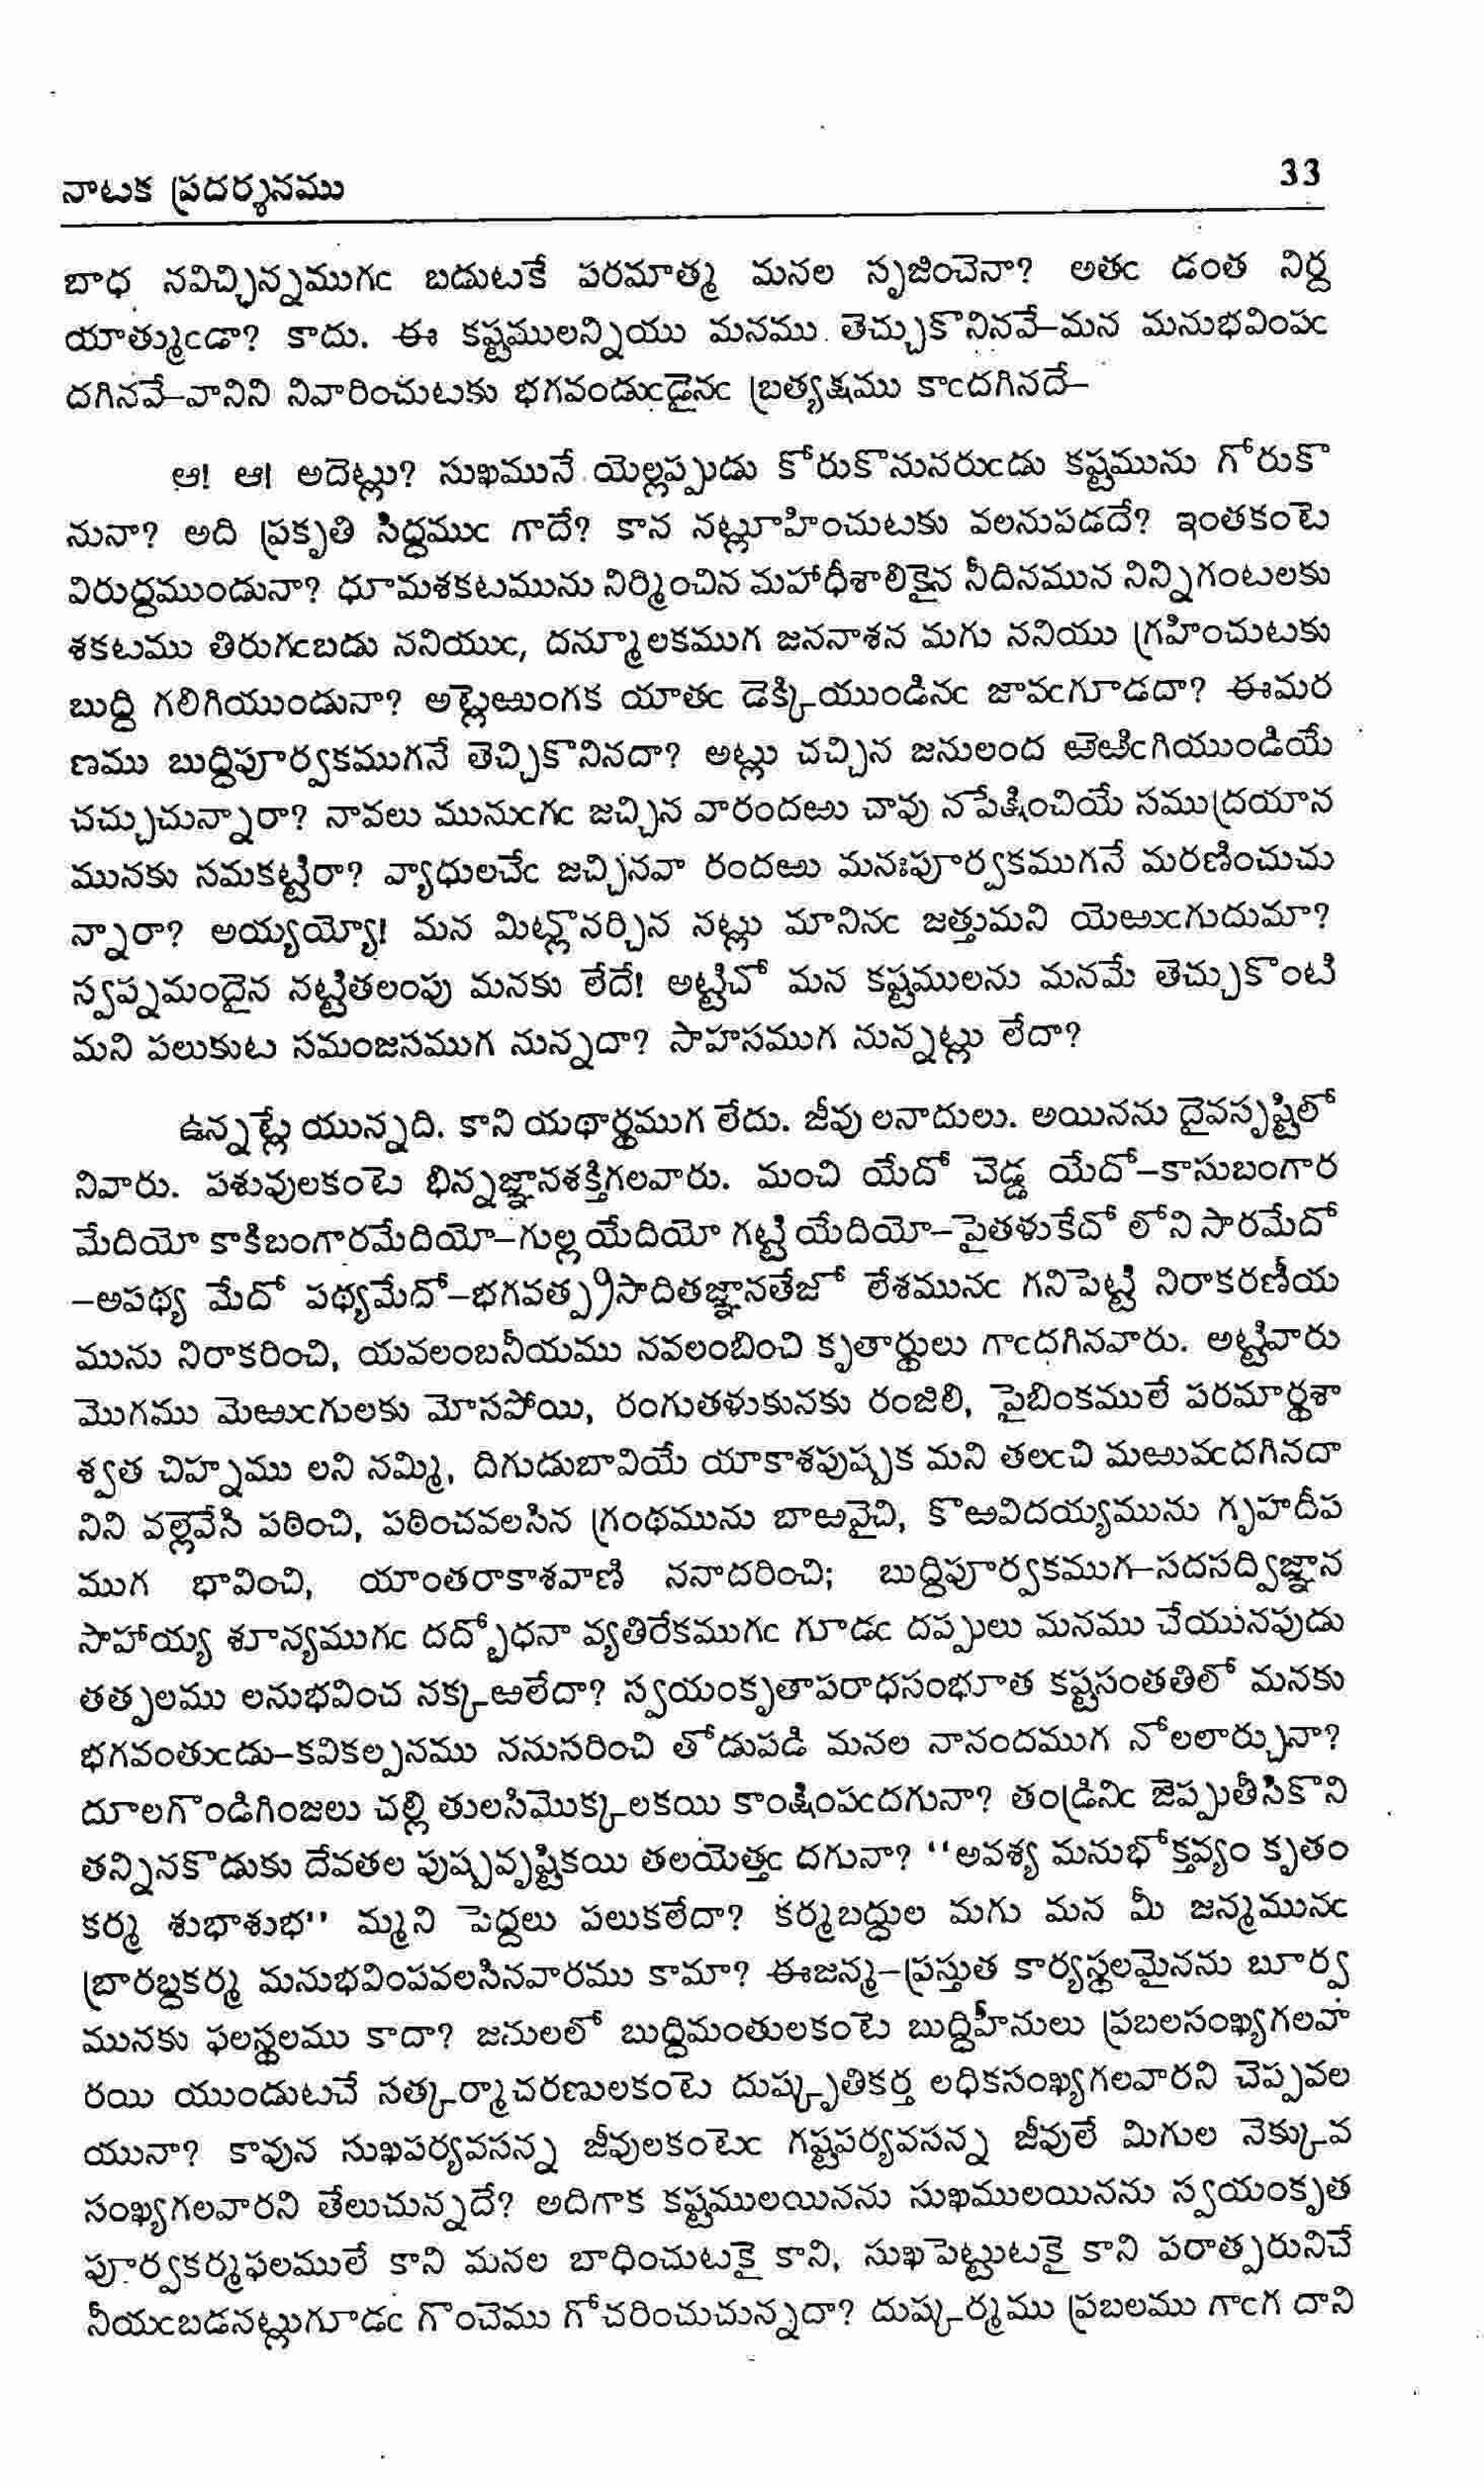బాధ నవిచ్ఛిన్నముగఁ బడుటకే పరమాత్మ మనల సృజించెనా? అతఁ డంత నిర్దయాత్ముఁడా కాదు. ఈ కష్టములన్నియు మనము. తెచ్చుకొనినవే మన మనుభవింపదగినవే-వానిని నివారించుటకు భగవండుఁడైనఁ బ్రత్యక్షము కాఁదగినదే-

ఆ！ఆ！అదెట్లు? సుఖమునే యెల్లప్పుడు కోరుకొనునరుఁడు కష్టమును గోరుకొనునా? అది ప్రకృతి సిద్ధముఁ గాదే? కాన నట్లూహించుటకు వలనుపడదే? ఇంతకంటే విరుద్ధముండునా? ధూమశకటమును నిర్మించిన మహాధీశాలికైన నీదినమున నిన్నిగంటలకు శకటము తిరుగఁబడు ననియుఁ, దన్మూలకముగ జననాశన మగు ననియు గ్రహించుటకు బుద్ధి గలిగియుండునా? అట్లెఱుంగక యాతఁ డెక్కియుండినఁ జావఁగూడదా? ఈమరణము బుద్ధిపూర్వకముగనే తెచ్చికొనినదా? అట్లు చచ్చిన జనులంద ఱెఱిఁగియుండియే చచ్చుచున్నారా? నావలు మునుఁగఁ జచ్చిన వారందఱు చావు నపేక్షించియే సముద్రయానమునకు సమకట్టిరా? వ్యాధులచేఁ జచ్చినవా రందఱు మనఃపూర్వకముగనే మరణించుచు
న్నారా? అయ్యయ్యో！మన మీట్లోనర్చిన నట్లు మానినఁ జత్తుమని యెఱుఁగుదుమా? స్వప్నమందైన నట్టితలంపు మనకు లేదే！అట్టిచో మన కష్టములను మనమే తెచ్చుకొంటి
మని పలుకుట సమంజసముగ నున్నదా? సాహసముగ నున్నట్లు లేదా?

ఉన్నట్లే యున్నది. కాని యథార్థముగ లేదు. జీవు లనాదులు. అయినను దైవసృష్టిలోనివారు. పశువులకంటె భిన్న జ్ఞానశక్తిగలవారు. మంచి యేదో చెడ్డ యేదో-కాసుబంగారమేదియో కాకిబంగారమేదియో-గుల్ల యేదియో గట్టి యేదియో-పైతళుకేదో లోని సారమేదో
–అపథ్య మేదో పథ్యమేదో-భగవత్పృసాదితజ్ఞానతేజో లేశమునఁ గనిపెట్టి నిరాకరణీయ
మును నిరాకరించి, యవలంబనీయము నవలంబించి కృతార్థులు గాఁదగినవారు. అట్టివారు
మొగము మెఱుఁగులకు మోసపోయి, రంగుతళుకునకు రంజిలి, పైబింకములే పరమార్థశాశ్వత చిహ్నము లని నమ్మి, దిగుడుబావియే యాకాశపుష్పక మని తలఁచి మజువఁదగినదానిని వల్లెవేసి పఠించి, పఠించవలసిన గ్రంథమును బాజవైచి, కొఱవిదయ్యమును గృహదీపముగ భావించి, యాంతరాకాశవాణి ననాదరించి; బుద్ధిపూర్వకముగ-సదసద్విజ్ఞాన సాహాయ్య శూన్యముగఁ దద్భోధనా వ్యతిరేకముగఁ గూడఁ దప్పులు మనము చేయునపుడు తత్ఫలము లనుభవించ నక్కఱలేదా? స్వయంకృతాపరాధసంభూత కష్టసంతతిలో మనకు భగవంతుఁడు-కవికల్పనము ననుసరించి తోడుపడి మనల నానందముగ నోలలార్చునా? దూలగొండిగింజలు చల్లి తులసిమొక్కలకయి కాంక్షింపఁదగునా? తండ్రినిఁ జెప్పుతీసికొని
తన్నిన కొడుకు దేవతల పుష్పవృష్టికయి తలయెత్తం దగునా? ❝అవశ్య మనుభోక్తవ్యం కృతం
కర్మ శుభాశుభ❞ మ్మని పెద్దలు పలుకలేదా? కర్మ బద్దుల మగు మన మీ జన్మమునఁ
బ్రారబ్ధకర్మ మనుభవింపవలసినవారము కామా? ఈజన్మ-ప్రస్తుత కార్యస్థలమైనను బూర్వ
మునకు ఫలస్థలము కాదా? జనులలో బుద్ధిమంతులకంటే బుద్ధిహీనులు ప్రబలసంఖ్యగలవారయి యుండుటచే సత్కర్మాచరణులకంటె దుష్కృతికర్త లధికసంఖ్య గలవారని చెప్పవలయునా? కావున సుఖపర్యవసన్న జీవులకంటెఁ గష్టపర్యవసన్న జీవులే మిగుల నేక్కువ సంఖ్యగలవారని తేలుచున్నదే? అదిగాక కష్టములయినను సుఖములయినను స్వయంకృత పూర్వకర్మ ఫలములే కాని మనల బాధించుటకై కాని, సుఖపెట్టుటకై కాని పరాత్పరునిచే నీయఁబడనట్లుగూడ గొంచెము గోచరించుచున్నదా? దుష్కర్మము ప్రబలము గాఁగ దాని